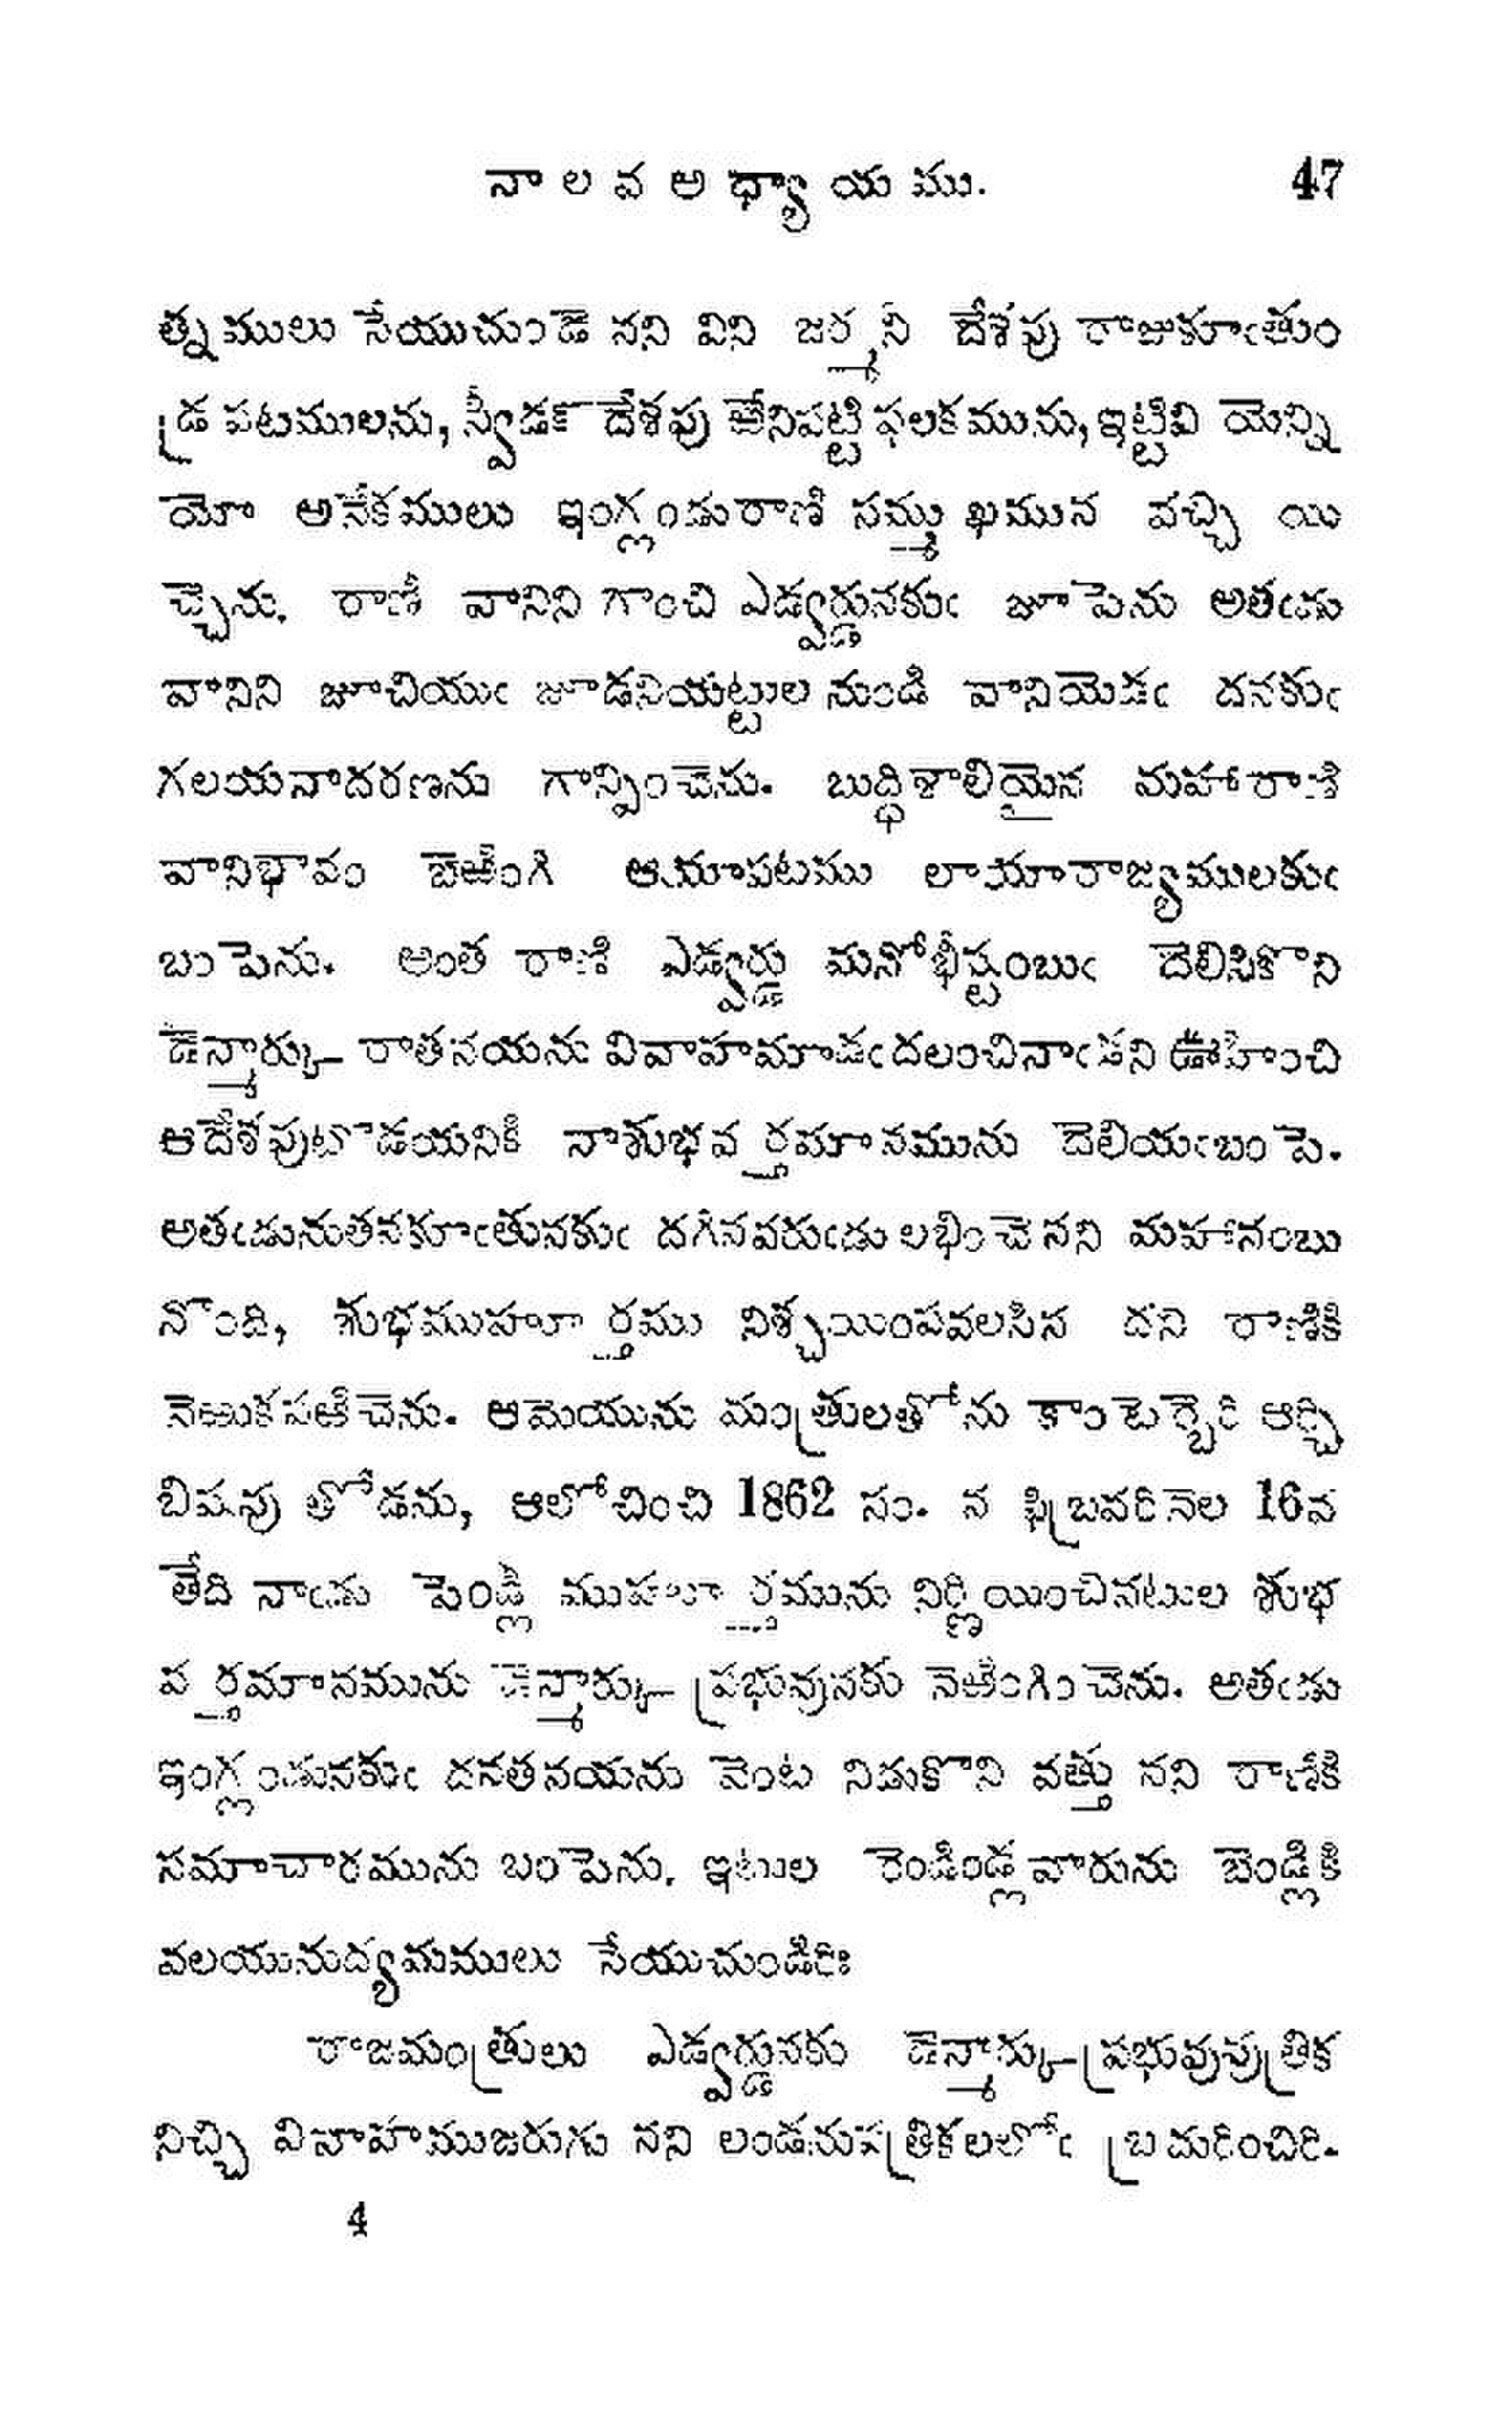త్నములు సేయుచుండెనని విని జర్మని దేశపు రాజుకూఁతుండ్ర పటములను, స్వీడ దేశపు ఱేసిపట్టి ఫలకమును, ఇట్టివి యెన్నియో అనేకములు ఇంగ్లండు రాణీ సముఖమున వచ్చి యి
చ్చెను. రాణీ వానిని గాంచి ఎడ్వర్డునకుఁ జూ పెను అతఁడునానిని జూచియుఁ జూడనియట్టుల నుండి వానియొడ దనకుగలయ నాదరణను గాన్పించెను. బుద్ధిశాలియైన సుహారాణి
వానిభావం బెంఱింగి అయాపటము లాయరాజ్యములకుబంపెను. అంత రాణి ఎడ్వర్డు మనోభీష్టంబుఁ దెలిసికొని డెన్మార్కు రాతనయను వివాహమాడఁ దలంచినాఁడని ఊహించి
ఆదేశ పుటోడయనికి నాశుభవర్తమానమును దెలియఁబంపె.అతఁడునుతనకూఁతునకుఁ దగినవరుఁడు లభించెనని మహానంబు నొంది, శుభముహూర్తము నిశ్చయింపవలసిస దని రాణికి
నెరుక పరచెను. ఆమెయును మంత్రులతోను కాంటెర్బెరి ఆర్బీబిషపు తోడను, ఆలోచించి 1862 సం. న ఫిబ్రవరి నెల 16 వ తేది నాడు 'పెండ్లి ముహూర్తమును నిర్ణయించినటుల శుభ వర్తమానమును - డెన్మార్కు, ప్రభువునకు నెఱింగిం చెను. అతఁడు ఇంగ్లండునకుఁ దనతనయను వెంట నిడుకొని వత్తు నని రాణికి సమాచారమును బంపెను. ఇటుల రెండిండ్ల వారును బెండ్లికి వలయు నుద్యమములు సేయుచుండిరి !

రాజమంత్రులు ఎడ్వర్డునకు డెన్మాగ్కు- ప్రభువు పుత్రిక నిచ్చి వినాహముజరుగు నని లండను పత్రికలలో ప్రచురించిరి.